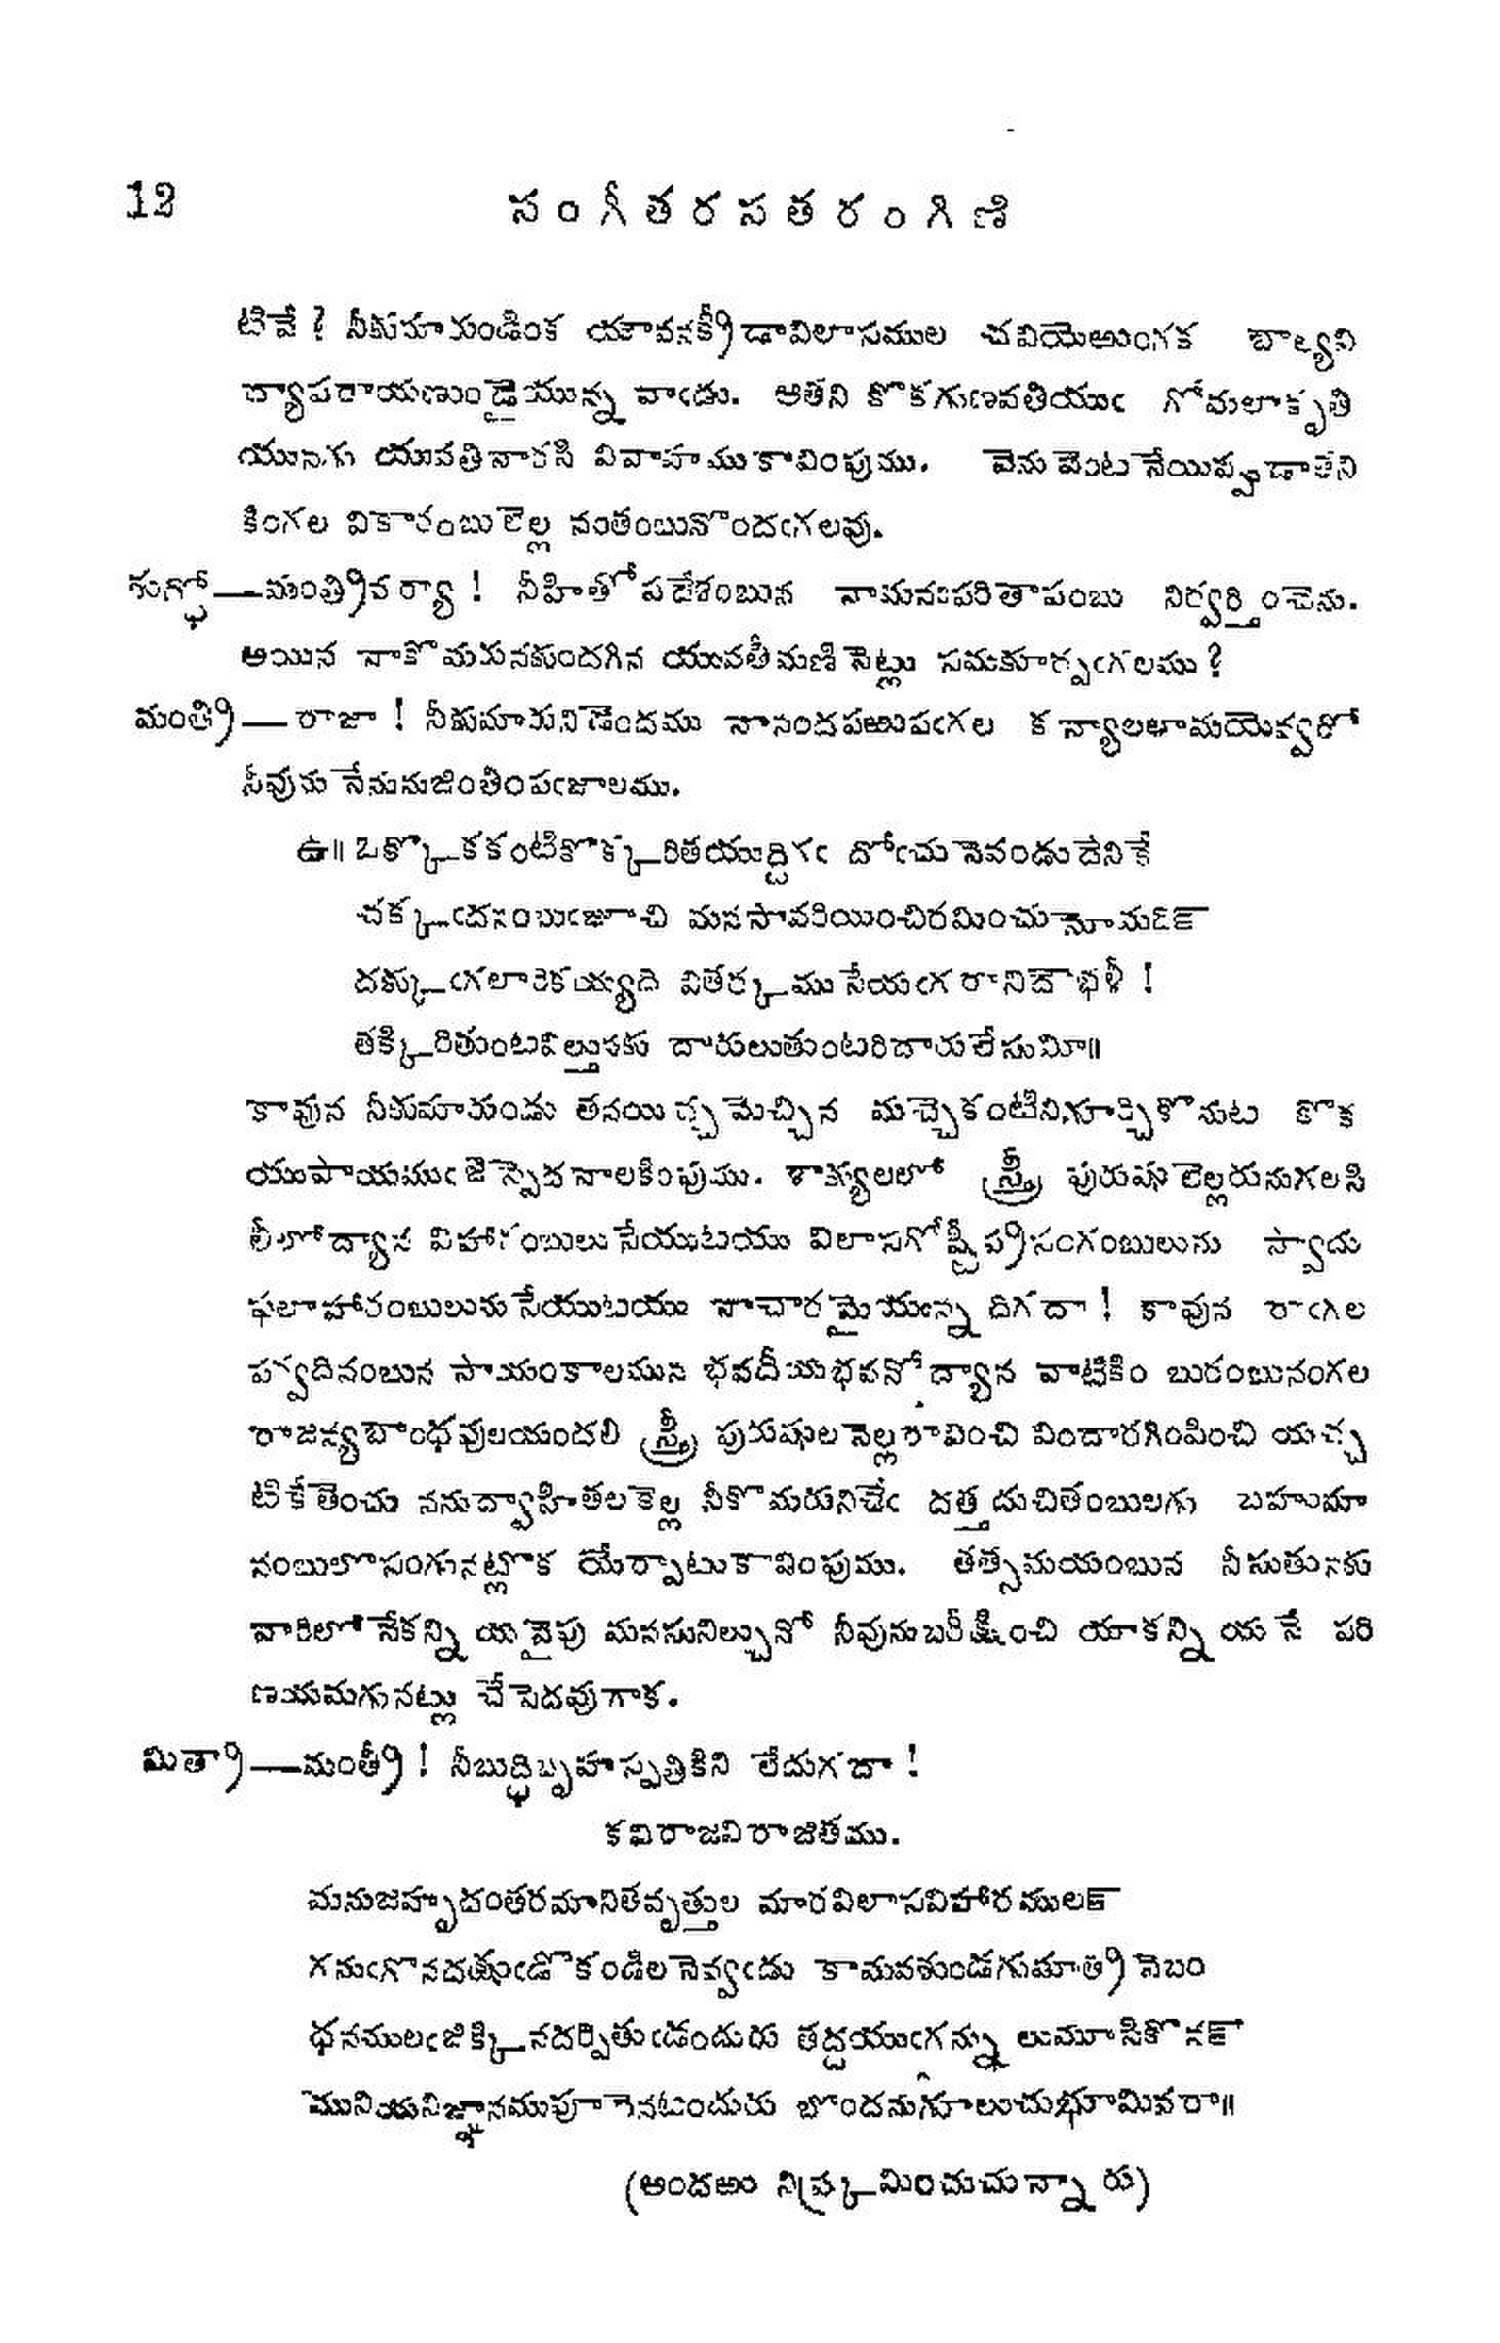టివే ? నీకుమారుండింక యౌవనక్రీడావిలాసముల చవియెఱుంగక బాల్యనిద్యాపరాయణుండైయున్న వాఁడు. అతని కొకగుణవతియుఁ గోమలాకృతియునగు యువతినారసి వివాహము కావింపుము. వెనువెంటనేయిప్పుడాతని కింగల వికారంబులెల్ల సంతంబునొందఁగలవు.

శుద్దో — మంత్రివర్యా! నీహితోపదేశంబున నా మనంపరితాపంబు నిర్వర్తించెను. అయిన నాకొమమునకుందగిన యువతీమణి సెట్లు సమకూర్పఁగలము?

మంత్రి — రాజా! నీకుమారుని డెందము నానందపఱుపఁగల కన్యాలలామయెవ్వరో నీవును నేనునుజింతింపఁజాలము.

ఉ॥ ఒక్కొకకంటికొక్కరితయుద్దిగఁ దోఁచు నెవండుదేనికే
చక్కదనంబుఁజూచి మన సావరియించిరమించు మోమది౯ 
దక్కుఁగలారికయ్యది వితర్కము సేయఁగరానిదౌభళీ!
తక్కిరితుంటఁల్తునకు దారులుకుంటరిదారులేమి॥ 

కావున నీకుమారుండు తనయిచ్చ మెచ్చిన మచ్చెకంటిని గూర్చికొనుట కొక యుపాయముఁ జెస్పెద నాలకింపుము. శాక్యులలో స్త్రీ 
పురుషులెల్లరునుగలసి లీలోద్యాన విహారంబులు సేయుటయు విలాసగోష్టీ ప్రసంగంబులును స్వాదు ఫలాహారంబులును సేయుటయు నాచారమై యున్నదిగదా! కావున రాఁగల పర్వదినంబున సాయంకాలమున భవదీయభవనోద్యాన వాటికిం బురంబునంగల రాజన్య బాంధవులయందలి స్త్రీ పురుషుల నెల్లరావించి విందారగింపించి యచ్చటికేతెంచు ననుద్వాహితలకెల్ల నీకొమరునిచేఁ దత్తదుచితంబులగు బహుమానంబులోసంగునట్లొక యేర్పాటు కావింపుము. తత్సమయంబున నీసుతునకు వారిలోనేకన్నియవైపు మనసునిల్చునో నీవును బరీక్షించి యాకన్నియనే పరిణయమగునట్లు చేసెదవు గాక.

మిత్ర - మంత్రి! నీబుద్ధిబృహస్పతికిని లేదుగదా!

మనుజహృదంతరమానితవృత్తుల మారవిలాసవిహారముల౯
గనుఁగొనదక్షుఁడోకండిలనెవ్వఁడు కామవతుండగుమాత్ర నెబం
ధనములఁజిక్కినదర్పితుఁడందురు తద్దయుఁగన్నులుమూసికొన౯
మునియనిజ్ఞానముపూరెనటందురు బొందనుగూలుచుభూమినరా॥